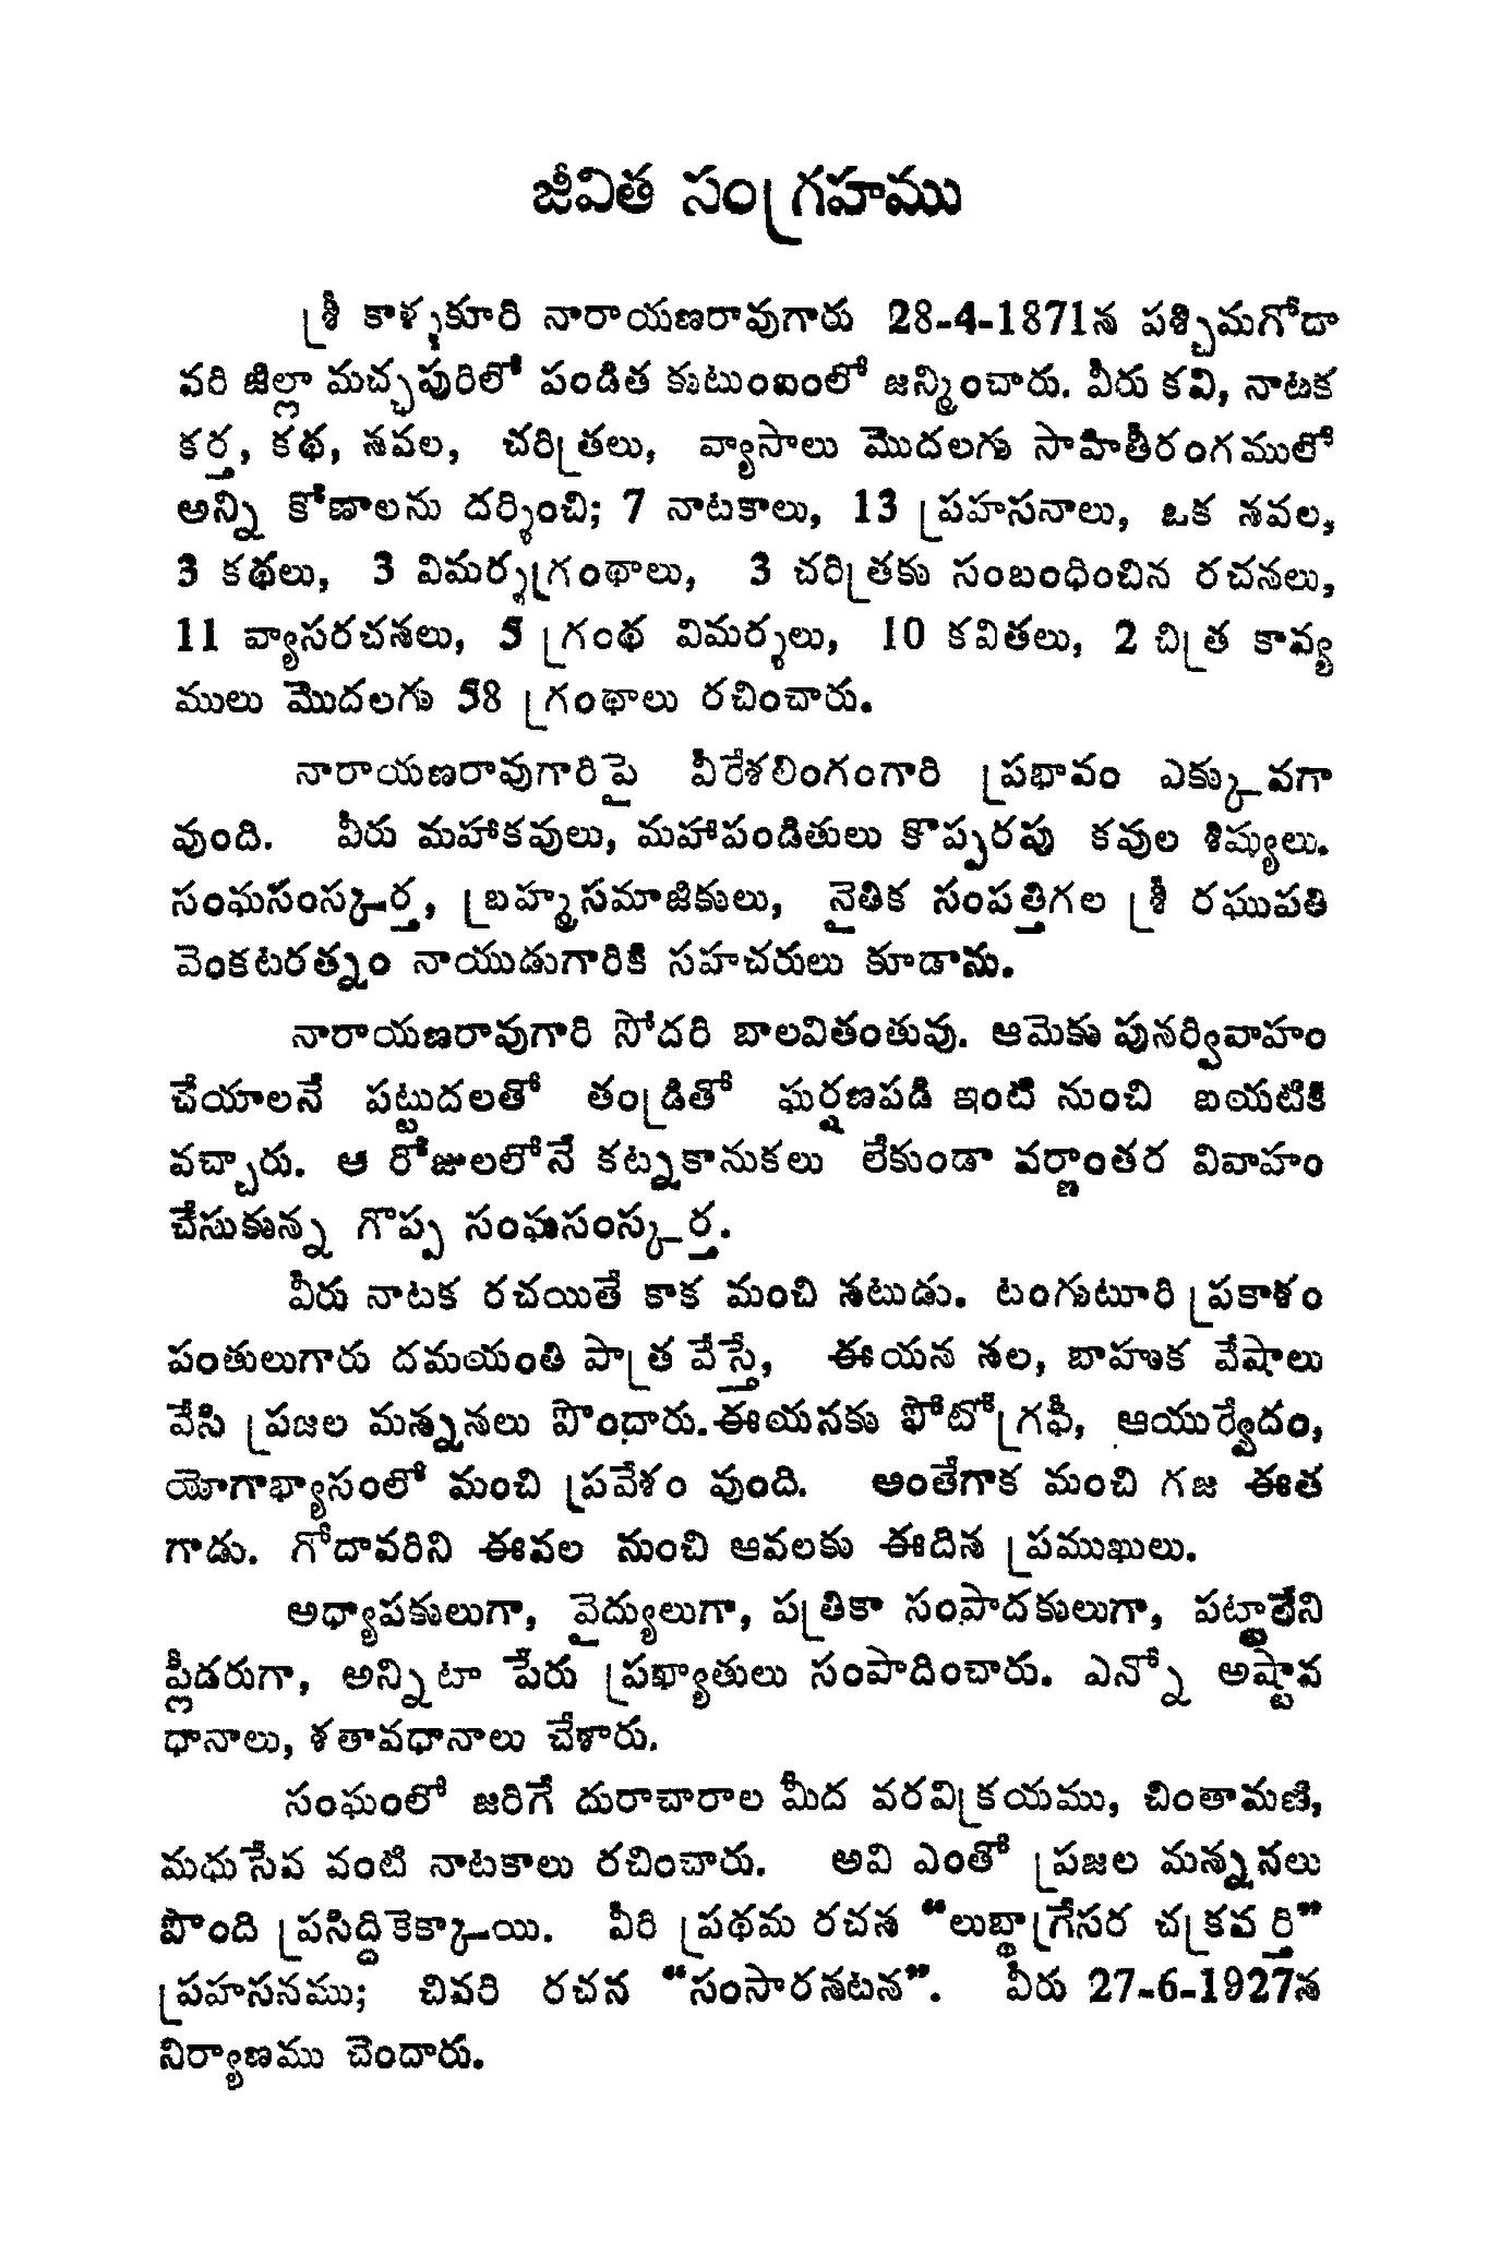జీవిత సంగ్రహము

శ్రీకాళ్ళకూరి నారాయణరావుగారు 28-4-1871న పశ్చిమగోదావరి జిల్లా మచ్ఛపురిలో పండిత కుటుంబంలో జన్మించారు. వీరు కవి, నాటకకర్త, కథ, నవల, చరిత్రలు, వ్యాసాలు మొదలగు సాహితీరంగములో అన్ని కోణాలను దర్శించి; 7 నాటకాలు, 13 ప్రహసనాలు, ఒక నవల, 3 కథలు, 3 విమర్శగ్రంథాలు, 3 చరిత్రకు సంబంధించిన రచనలు, 11 వ్యాసరచనలు, 5 గ్రంథ విమర్శలు, 10 కవితలు, 2 చిత్ర కావ్యములు మొదలగు 58 గ్రంథాలు రచించారు.

నారాయణరావుగారిపై వీరేశలింగంగారి ప్రభావం ఎక్కువగా వుంది. వీరు మహాకవులు, మహాపండితులు కొప్పరపు కవుల శిష్యులు, సంఘసంస్కర్త, బ్రహ్మసమాజికులు, నైతిక సంపత్తిగల శ్రీ రఘుపతి వెంకటరత్నం నాయుడుగారికి సహచరులు కూడాను.

నారాయణరావుగారి సోదరి బాలవితంతువు. ఆమెకు పునర్వివాహం చేయాలనే పట్టుదలతో తండ్రితో ఘర్షణపడి ఇంటి నుంచి బయటకు వచ్చారు. ఆ రోజులలోనే కట్నకానుకలు లేకుండా వర్ణాంతర వివాహం చేసుకున్న గొప్ప సంఘసంస్కర్త.

వీరు నాటక రచయితే కాక మంచి నటుడు. టంగుటూరు ప్రకాశం పంతులుగారు దమయంతి పాత్ర వేస్తే, ఈయన నల, బాహుక వేషాలు వేసి ప్రజల మన్ననలు పొందారు. ఈయనకు ఫోటోగ్రఫీ, ఆయుర్వేదం, యోగాభ్యాసంలో మంచి ప్రవేశం వుంది. అంతేగాక మంచి గజ ఈతగాడు. గోదావరిని ఈవల నుంచి ఆవలకు ఈదిన ప్రముఖులు.

అధ్యాపకులుగా, వైద్యులుగా పత్రికా సంపాదకులుగా, పట్టాలేని ప్లీడరుగా, అన్నిటా పేరు ప్రఖ్యాతులు సంపాదించారు. ఎన్నో అష్టావధానాలు, శతావధానాలు చేశారు.

సంఘంలో జరిగే దురాచారాల మీద వరవిక్రయము, చింతామణి, మధుసేవ వంటి నాటకాలు రచించారు. అవి ఎంతో ప్రజల మన్ననలు పొంది ప్రసిద్ధికెక్కాయి. వీరి ప్రథమ రచన "లుబ్దాగ్రేసర చక్రవర్తి" ప్రహసనము; చివరి రచన "సంసారనటన". వీరు 27-6-1927న నిర్యాణము చెందారు.